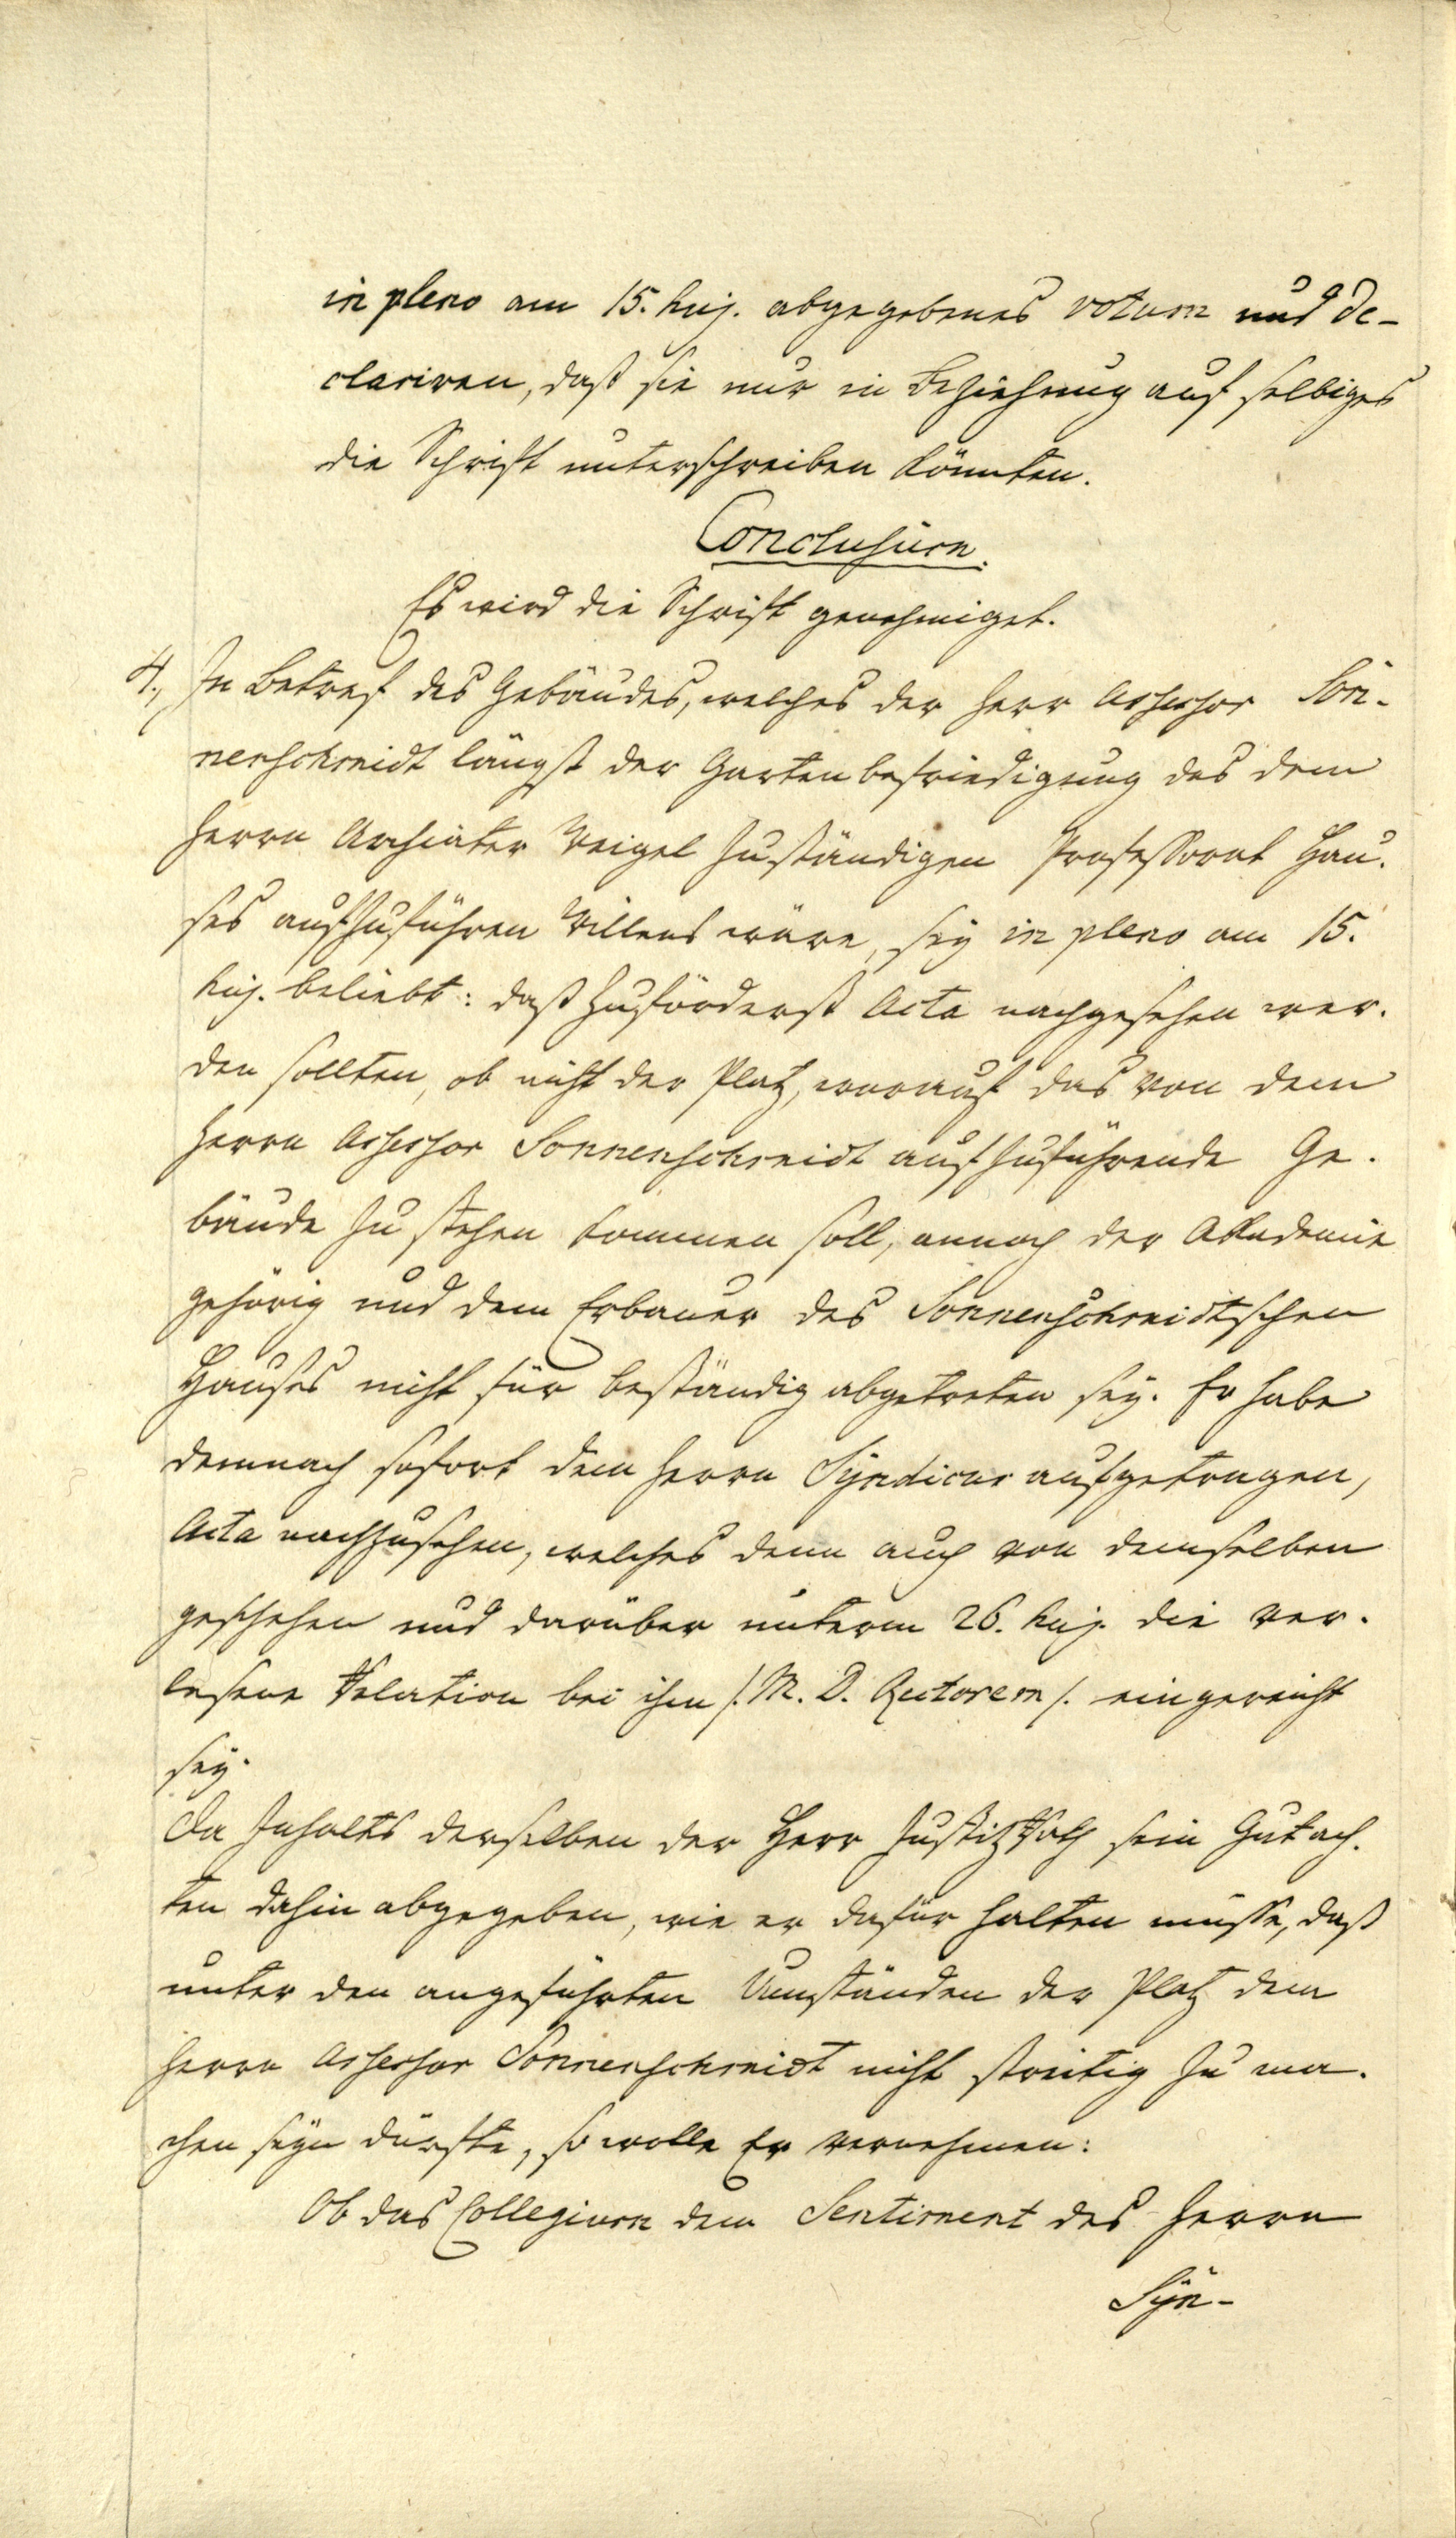in pleno am 15. huj. abgegebenes votum und de¬
clariren, daß sie nur in Beziehung auf selbiges
die Schrift unterschreiben könnten.
Conclusum.
Es wird die Schrift genehmiget.
4, In Betref des Gebäudes, welches der herr Assessor Son¬
nenschmidt längst der Gartenbefriedigung des dem
herrn Archiater Weigel zuständigen Professorat Hau¬
ses aufzuführen Willens wäre, seÿ in pleno am 15.
huj. beliebt: daß zuförderst Acta nachgesehen wer¬
den sollten, ob nicht der Platz, worauf das von dem
herrn Assessor Sonnenschmidt aufzuführende Ge¬
bäude zu stehen kommen soll, annoch der Akademie
gehörig und dem Erbauer des Sonnenschmidtschen
Hauses nicht für beständig abgetreten seÿ. Er habe
demnach sofort dem herrn Sÿndicus aufgetragen,
Acta nachzusehen, welches denn auch von demselben
geschehen und darüber unterm 26. huj. die ver¬
lesene Relation bei ihm / M. D. Rectorem / eingereicht
seÿ.
Da Inhalts derselben der Herr Justiz Rath sein Gutach¬
ten dahin abgegeben, wie er dafür halten müsse, daß
unter den angeführten Umständen der Platz dem
herrn Assessor Sonnenschmidt nicht streitig zu ma¬
chen seÿn dürfte, so wolle Er vernehmen:
Ob das Collegium dem Sentiment des herrn
Sÿn